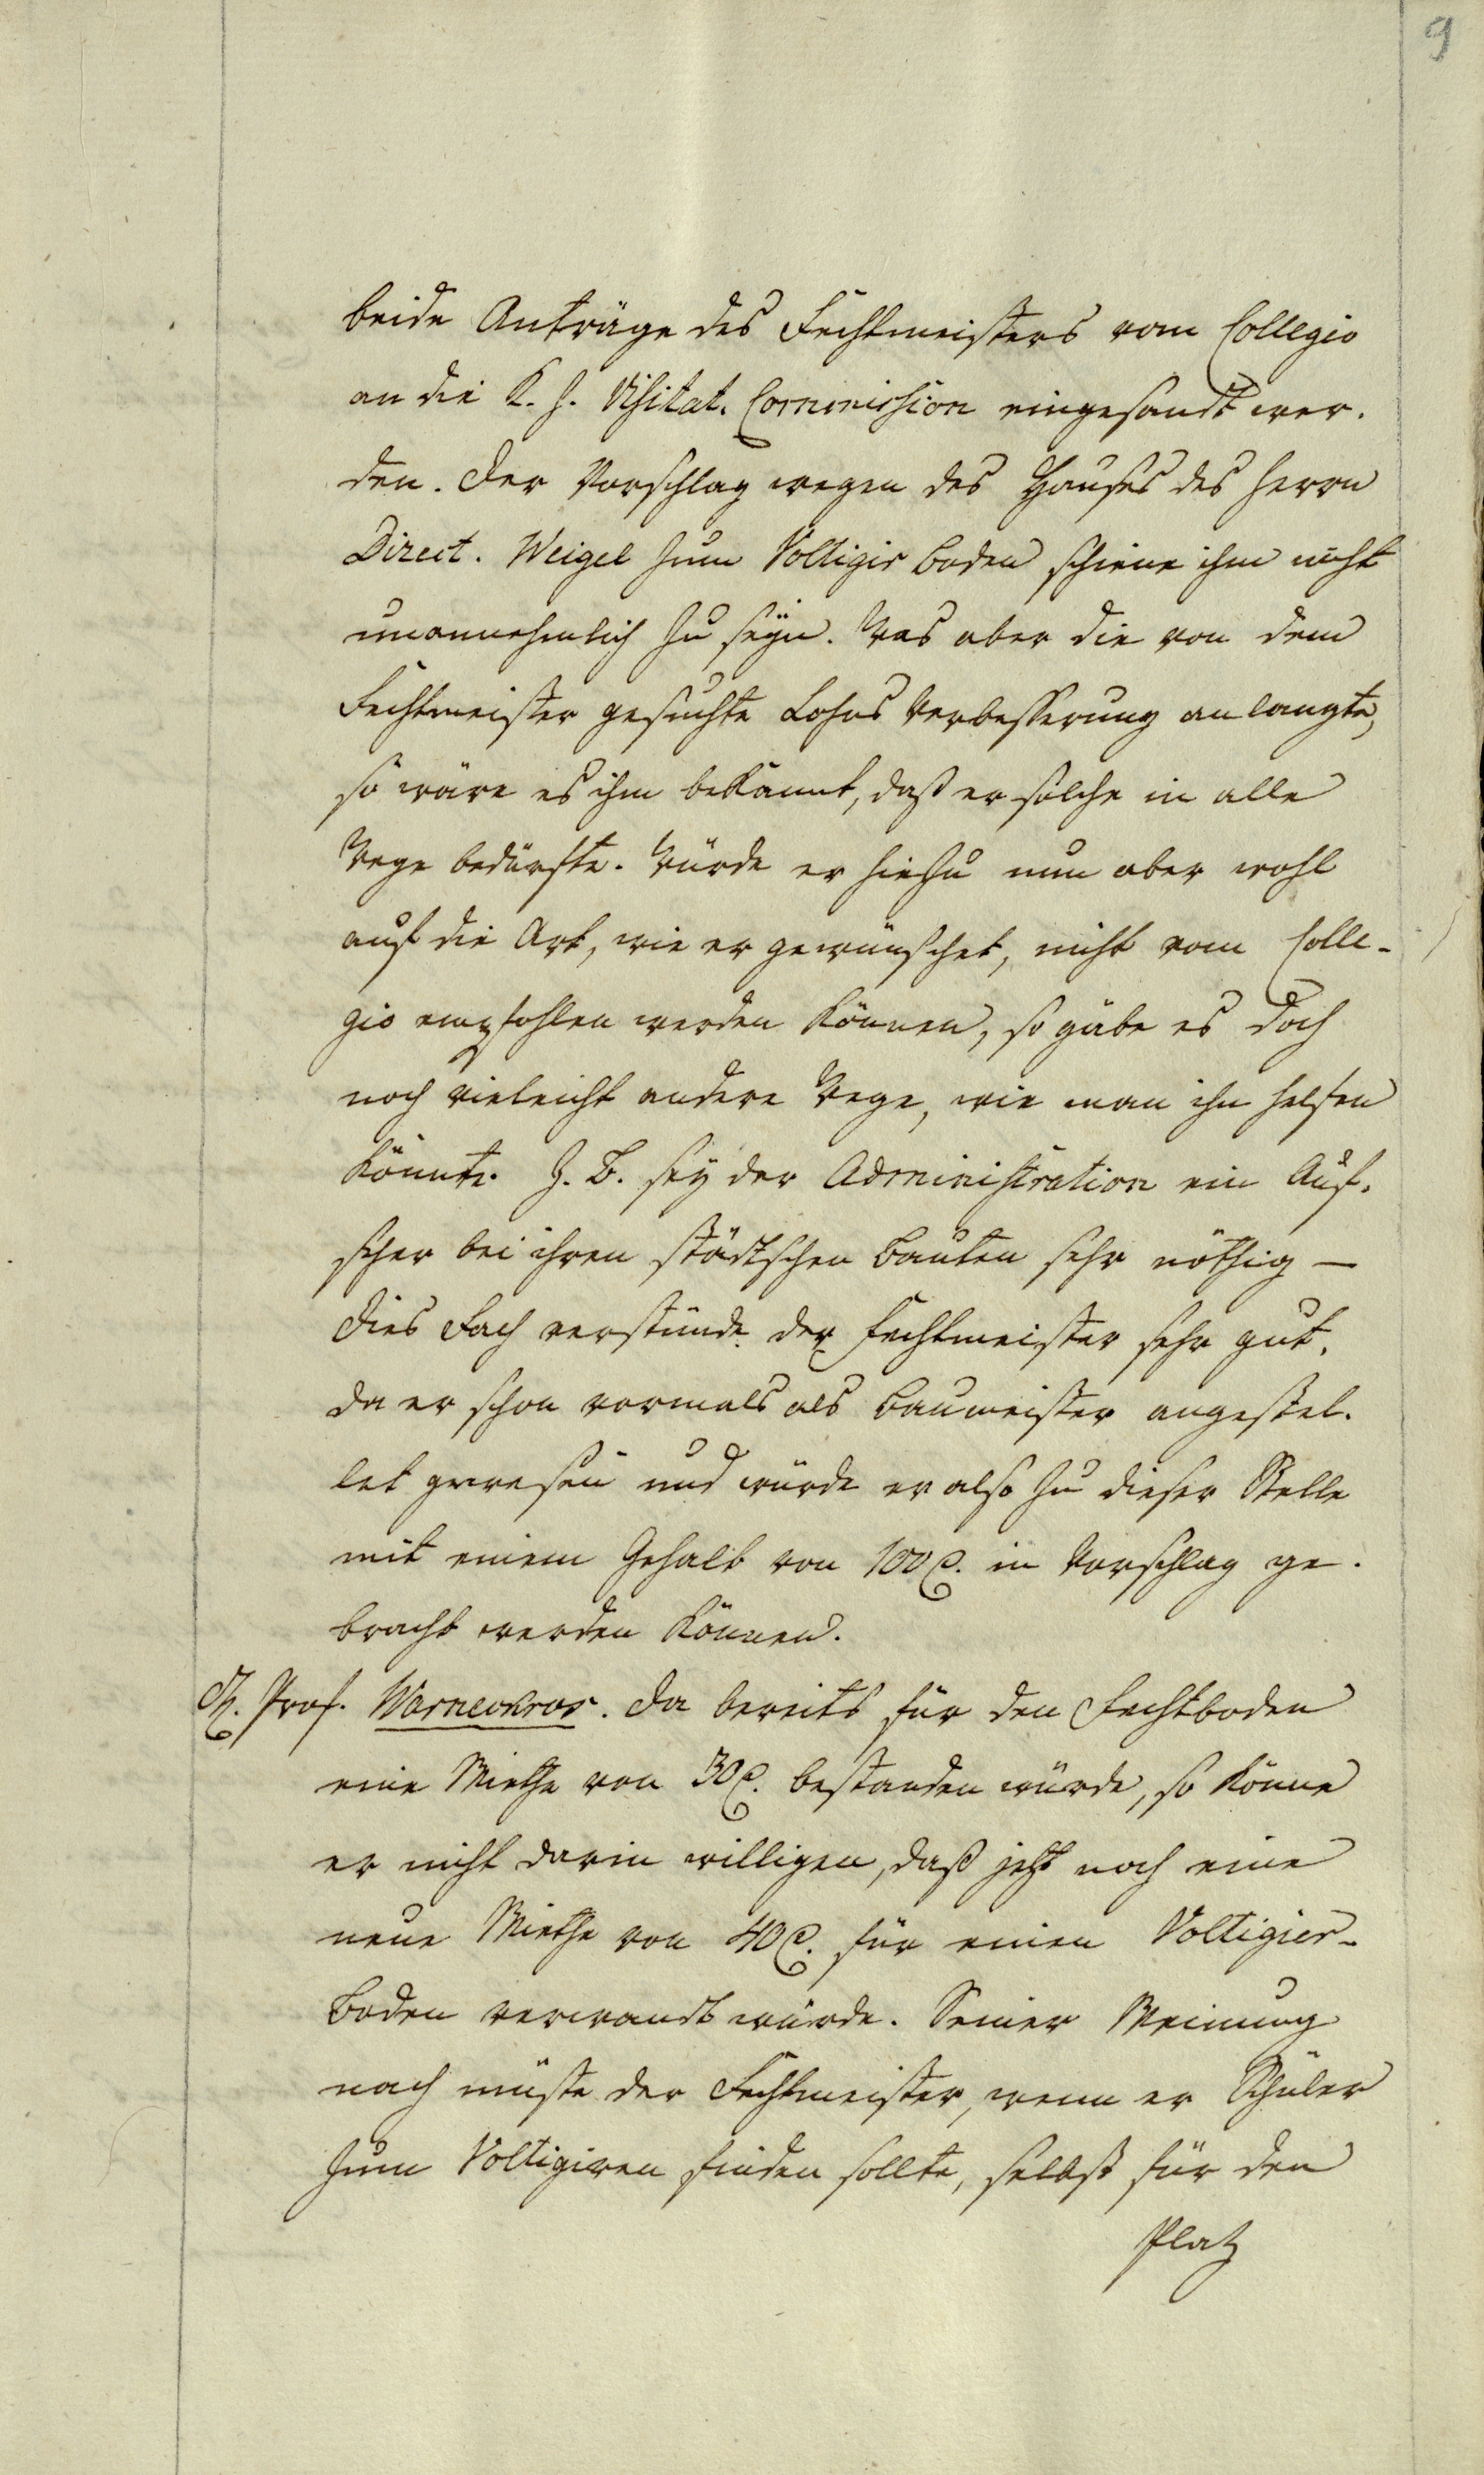beide Anträge des Fechtmeisters vom Collegio
an die K. H. Visitat. Commission eingesandt wer¬
den. Der Vorschlag wegen des Hauses des Herrn
Direct. Weigel zum Voltigir Boden scheine ihm nicht
unannehmlich zu seÿn. Was aber die von dem
Fechtmeister gesuchte Lohns Verbesserung anlangte,
so wäre es ihm bekannt, daß er solche in alle
Wege bedürfte. Würde er hiezu nun aber wohl
auf die Art, wie er gewünschet, nicht vom Colle¬
gio empfohlen werden können, so gäbe es doch
noch vieleicht andere Wege, wie man ihn helfen
könnte. Z.B. seÿ der Administration ein Auf¬
seher bei ihren städtischen Bauten sehr nöthig —
dies Fach verstünde der Fechtmeister sehr gut,
da er schon vormals als Baumeister angestel¬
let gewesen und würde er also zu dieser Stelle
mit einem Gehalt von 100 rtl. in Vorschlag ge¬
bracht werden können.
dh. Prof. Warneckros. Da bereits für den Fechtboden
eine Miethe von 30 rtl. bestanden würde, so könne
er nicht darin willigen, daß jetzt noch eine
neue Miethe von 40 rtl. für einen Voltigier¬
Boden verwandt würde. Seiner Meinung
nach müsste der Fechtmeister, wenn er Schüler
zum Voltigiren finden sollte, selbst für den
Platz